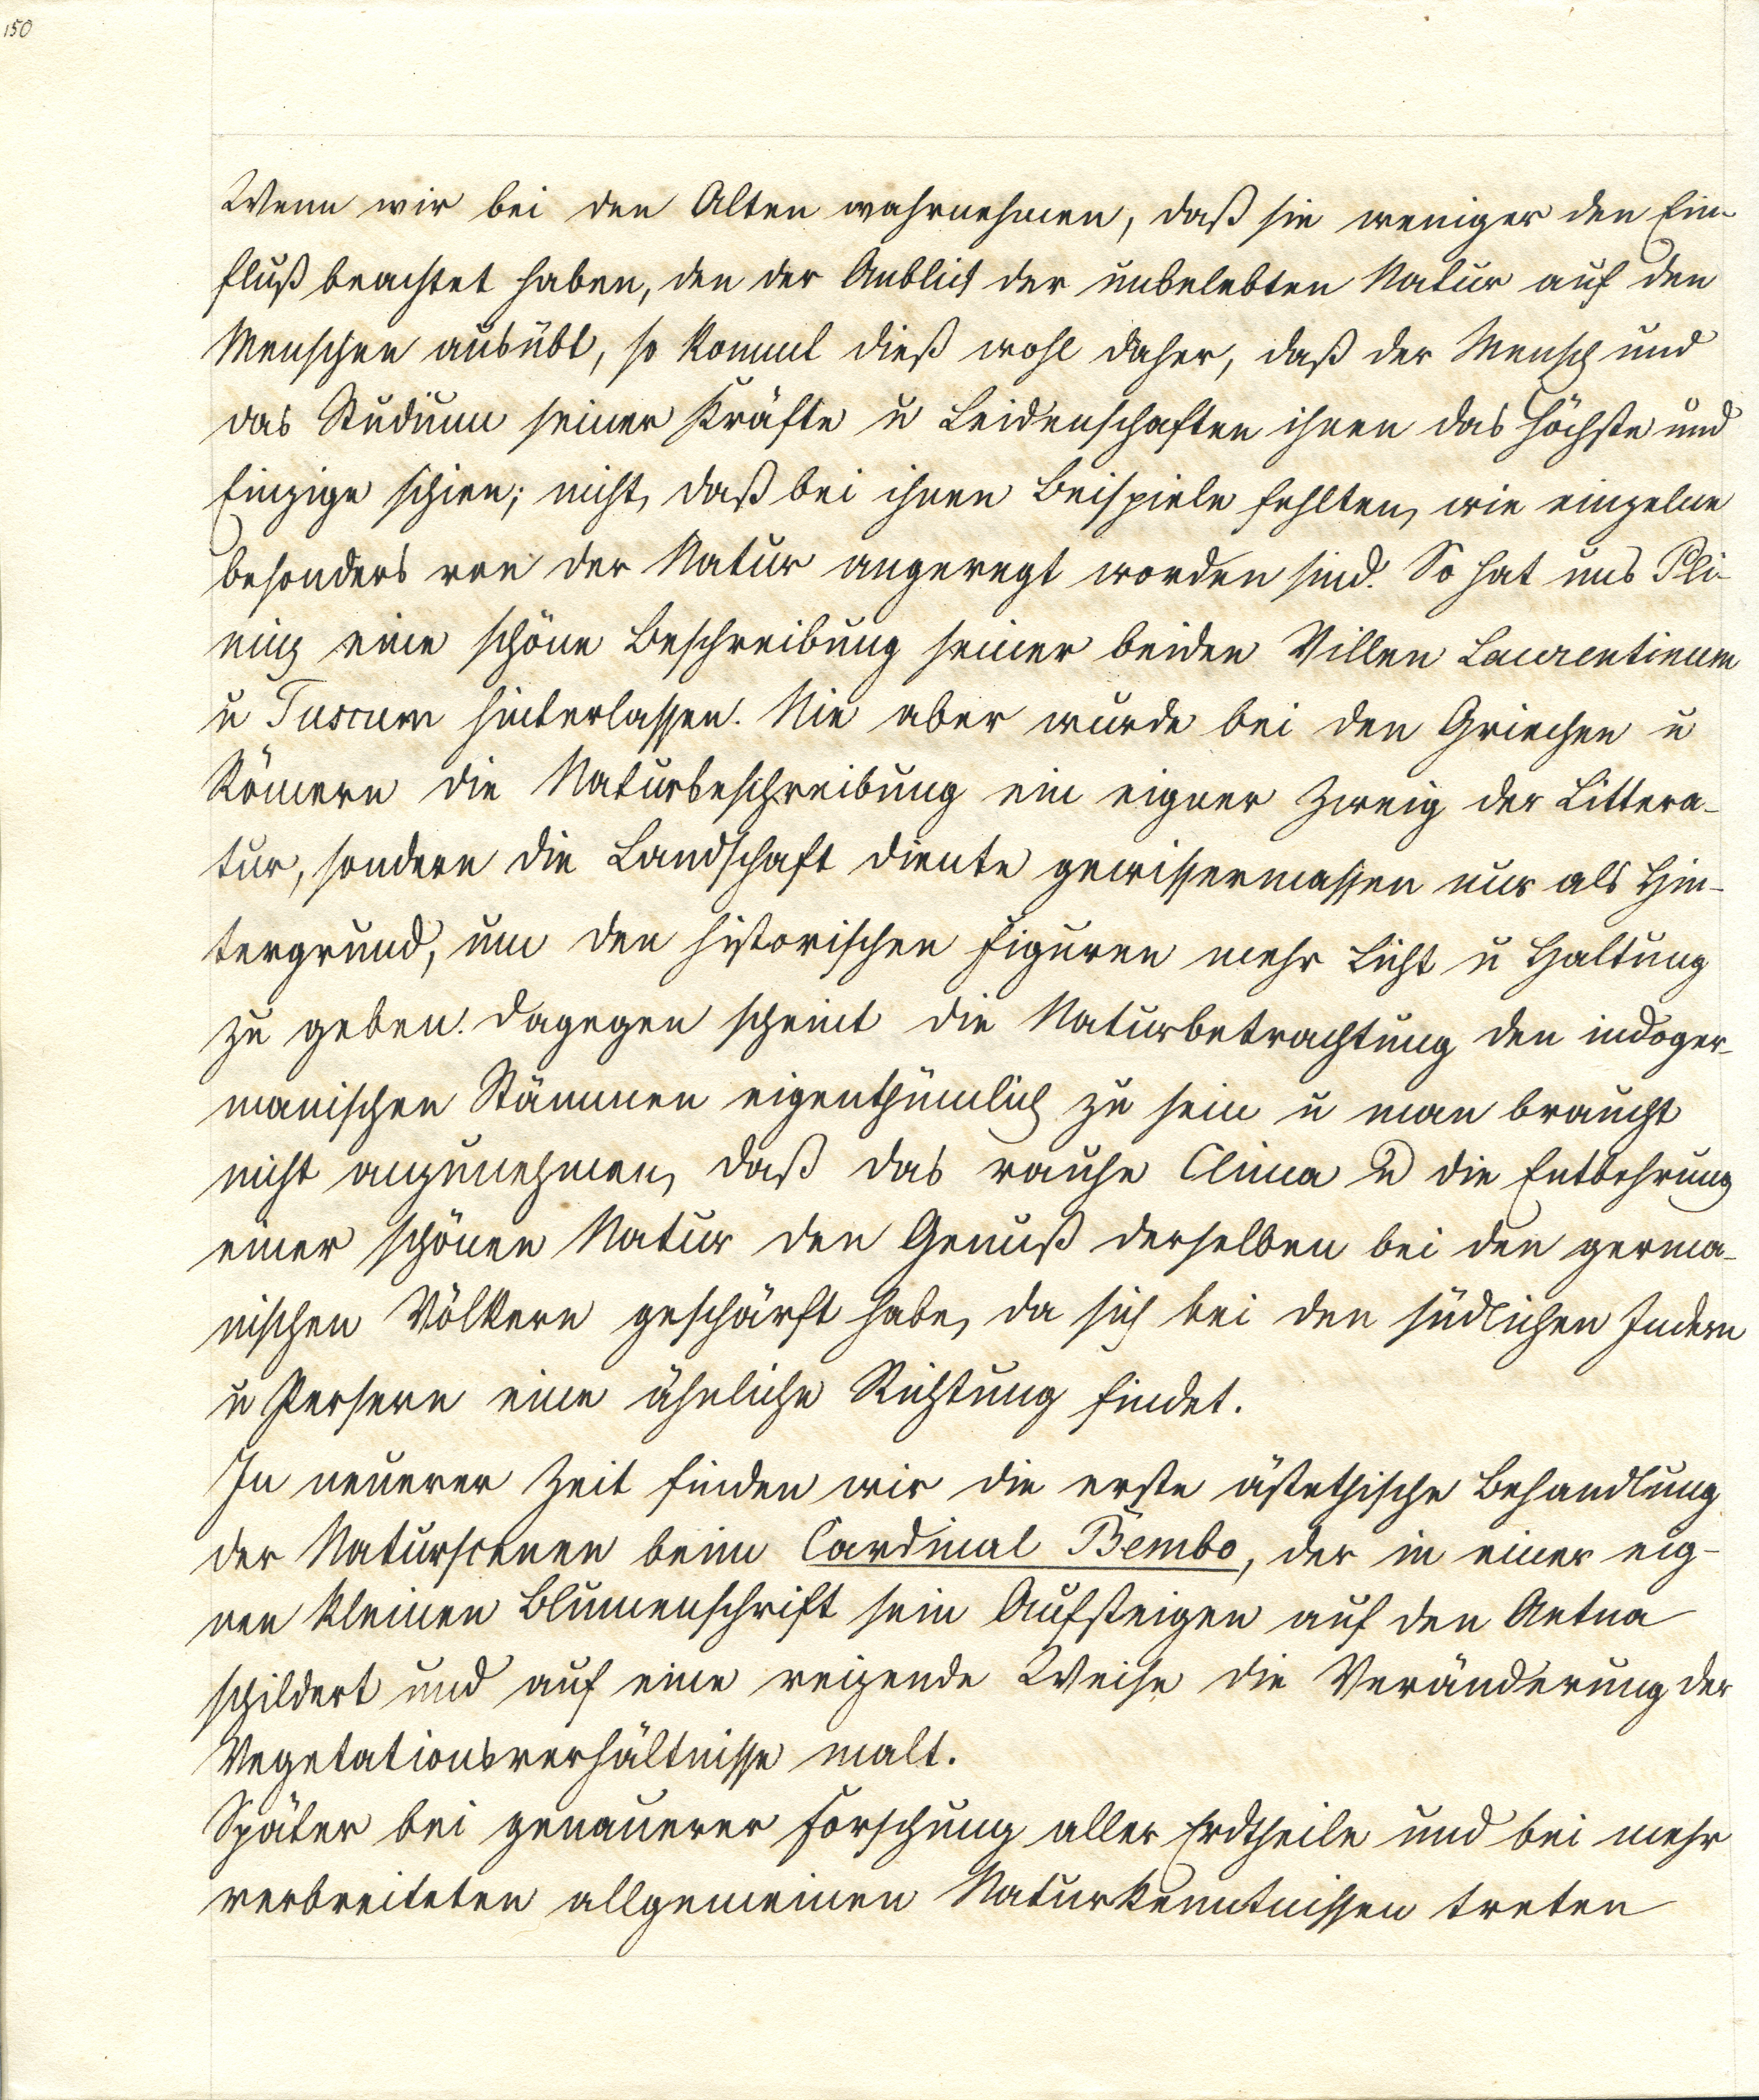Wenn wir bei den Alten wahrnehmen, daß sie weniger den Ein-
fluß beachtet haben, den der Anblick der unbelebten Natur auf den
Menschen ausübt, so kommt dieß wohl daher, daß der Mensch und
das Studium seiner Kräfte u Leidenschaften ihnen das Höchste und
Einzige schien; nicht, daß bei ihnen Beispiele fehlten, wie einzelne
besonders von der Natur angeregt worden sind. So hat uns Pli-
nius eine schöne Beschreibung seiner beiden Villen Laurentinum
u Tuscum hinterlassen. Nie aber wurde bei den Griechen u
Römern die Naturbeschreibung ein eigner Zweig der Littera-
tur, sondern die Landschaft diente gewissermassen nur als Hin-
tergrund, um den historischen Figuren mehr Licht u Haltung
zu geben. Dagegen scheint die Naturbetrachtung den indoger-
manischen Stämmen eigenthümlich zu sein u man braucht
nicht anzunehmen, daß das rauhe Clima u die Entbehrung
einer schönen Natur den Genuß derselben bei den germa-
nischen Völkern geschärft habe, da sich bei den südlichen Indern
u Persern eine ähnliche Richtung findet.
In neuerer Zeit finden wir die erste ästethische Behandlung
der Naturscenen beim Cardinal Bembo, der in einer eig-
nen kleinen Blumenschrift sein Aufsteigen auf den Aetna
schildert und auf eine reizende Weise die Veränderung der
Vegetationsverhältnisse malt.
Später bei genauerer Erforschung aller Erdtheile und bei mehr
verbreiteten allgemeinen Naturkenntnissen treten